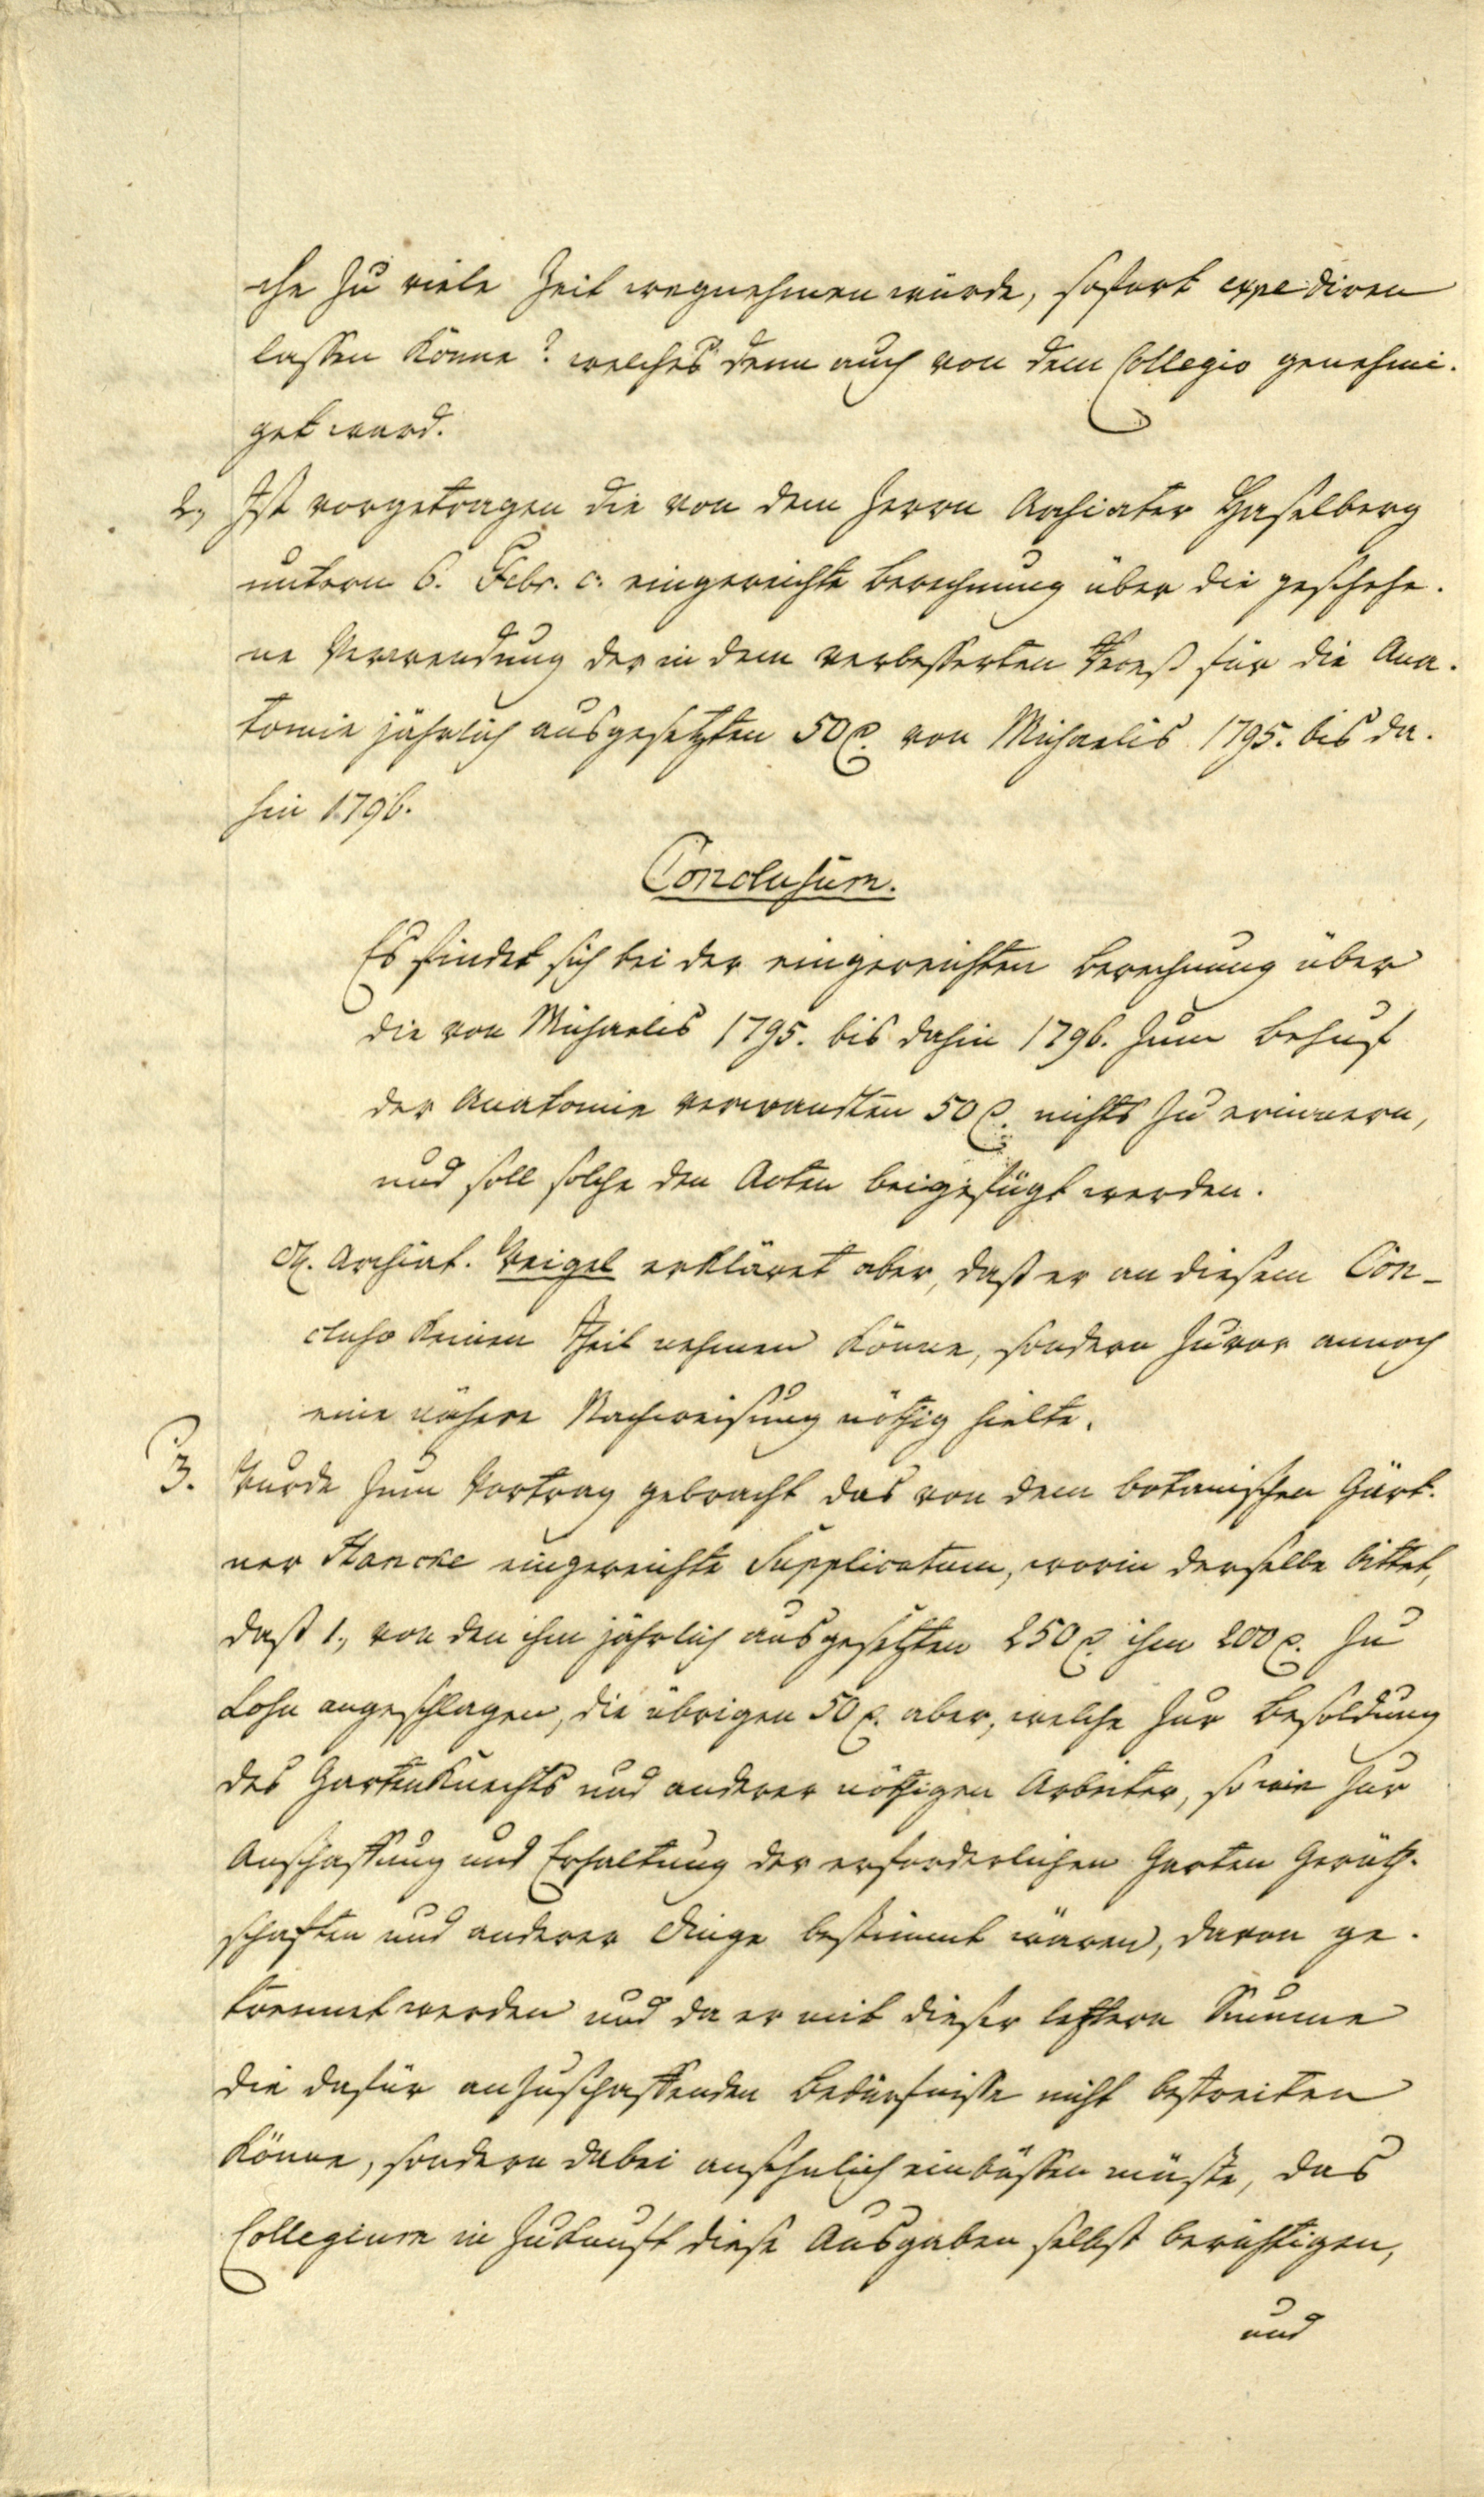ihn zu viele Zeit wegnehmen würde, sofort expediren
lassen könne? welches denn auch von dem Collegio genehmi¬
get ward.
2., Ist vorgetragen die von dem Herrn Archiater Haselberg
unterm 6. Febr. c. eingereichte Berechnung über die geschehe¬
ne Verwendung der in dem verbesserten Receß für die Ana¬
tomie jährlich ausgesetzten 50 l. von Michaelis 1795. bis da¬
hin 1796.
Conclusum.
Es findet sich bei der eingereichten Berechnung über
die von Michaelis 1795. bis dahin 1796. zum Behuf
der Anatomie verwandten 50 l. nichts zu erinnern,
und soll solche den Acten beigefügt werden.
dh. Archiat. Weigel erkläret aber, daß er an diesem Con¬
cluso keinen Theil nehmen könne, sondern zuvor annoch
eine nähere Nachweisung nöthig hielte.
3. Wurde zum Vortrag gebracht das von dem botanischen Gärt¬
ner Hancke eingereichte Supplicatum, worin derselbe bittet,
daß 1., von den ihm jährlich aus gesetzten 250 l. ihm 200 l. zu
Lohn angeschlagen, die übrigen 50 l. aber, welche zur Besoldung
des Gartenknechts und anderer nöthigen Arbeiter, so wie zur
Anschaffung und Erhaltung der erforderlichen Garten Geräth¬
schaften und anderer Dinge bestimmt wären, davon ge¬
trennt werden und da er mit dieser letztern Summe
die dafür anzuschaffenden Bedürfnisse nicht bestreiten
könne, sondern dabei ansehnlich einbüssen müßte, das
Collegium in Zukunft diese Ausgaben selbst berichtigen,
und